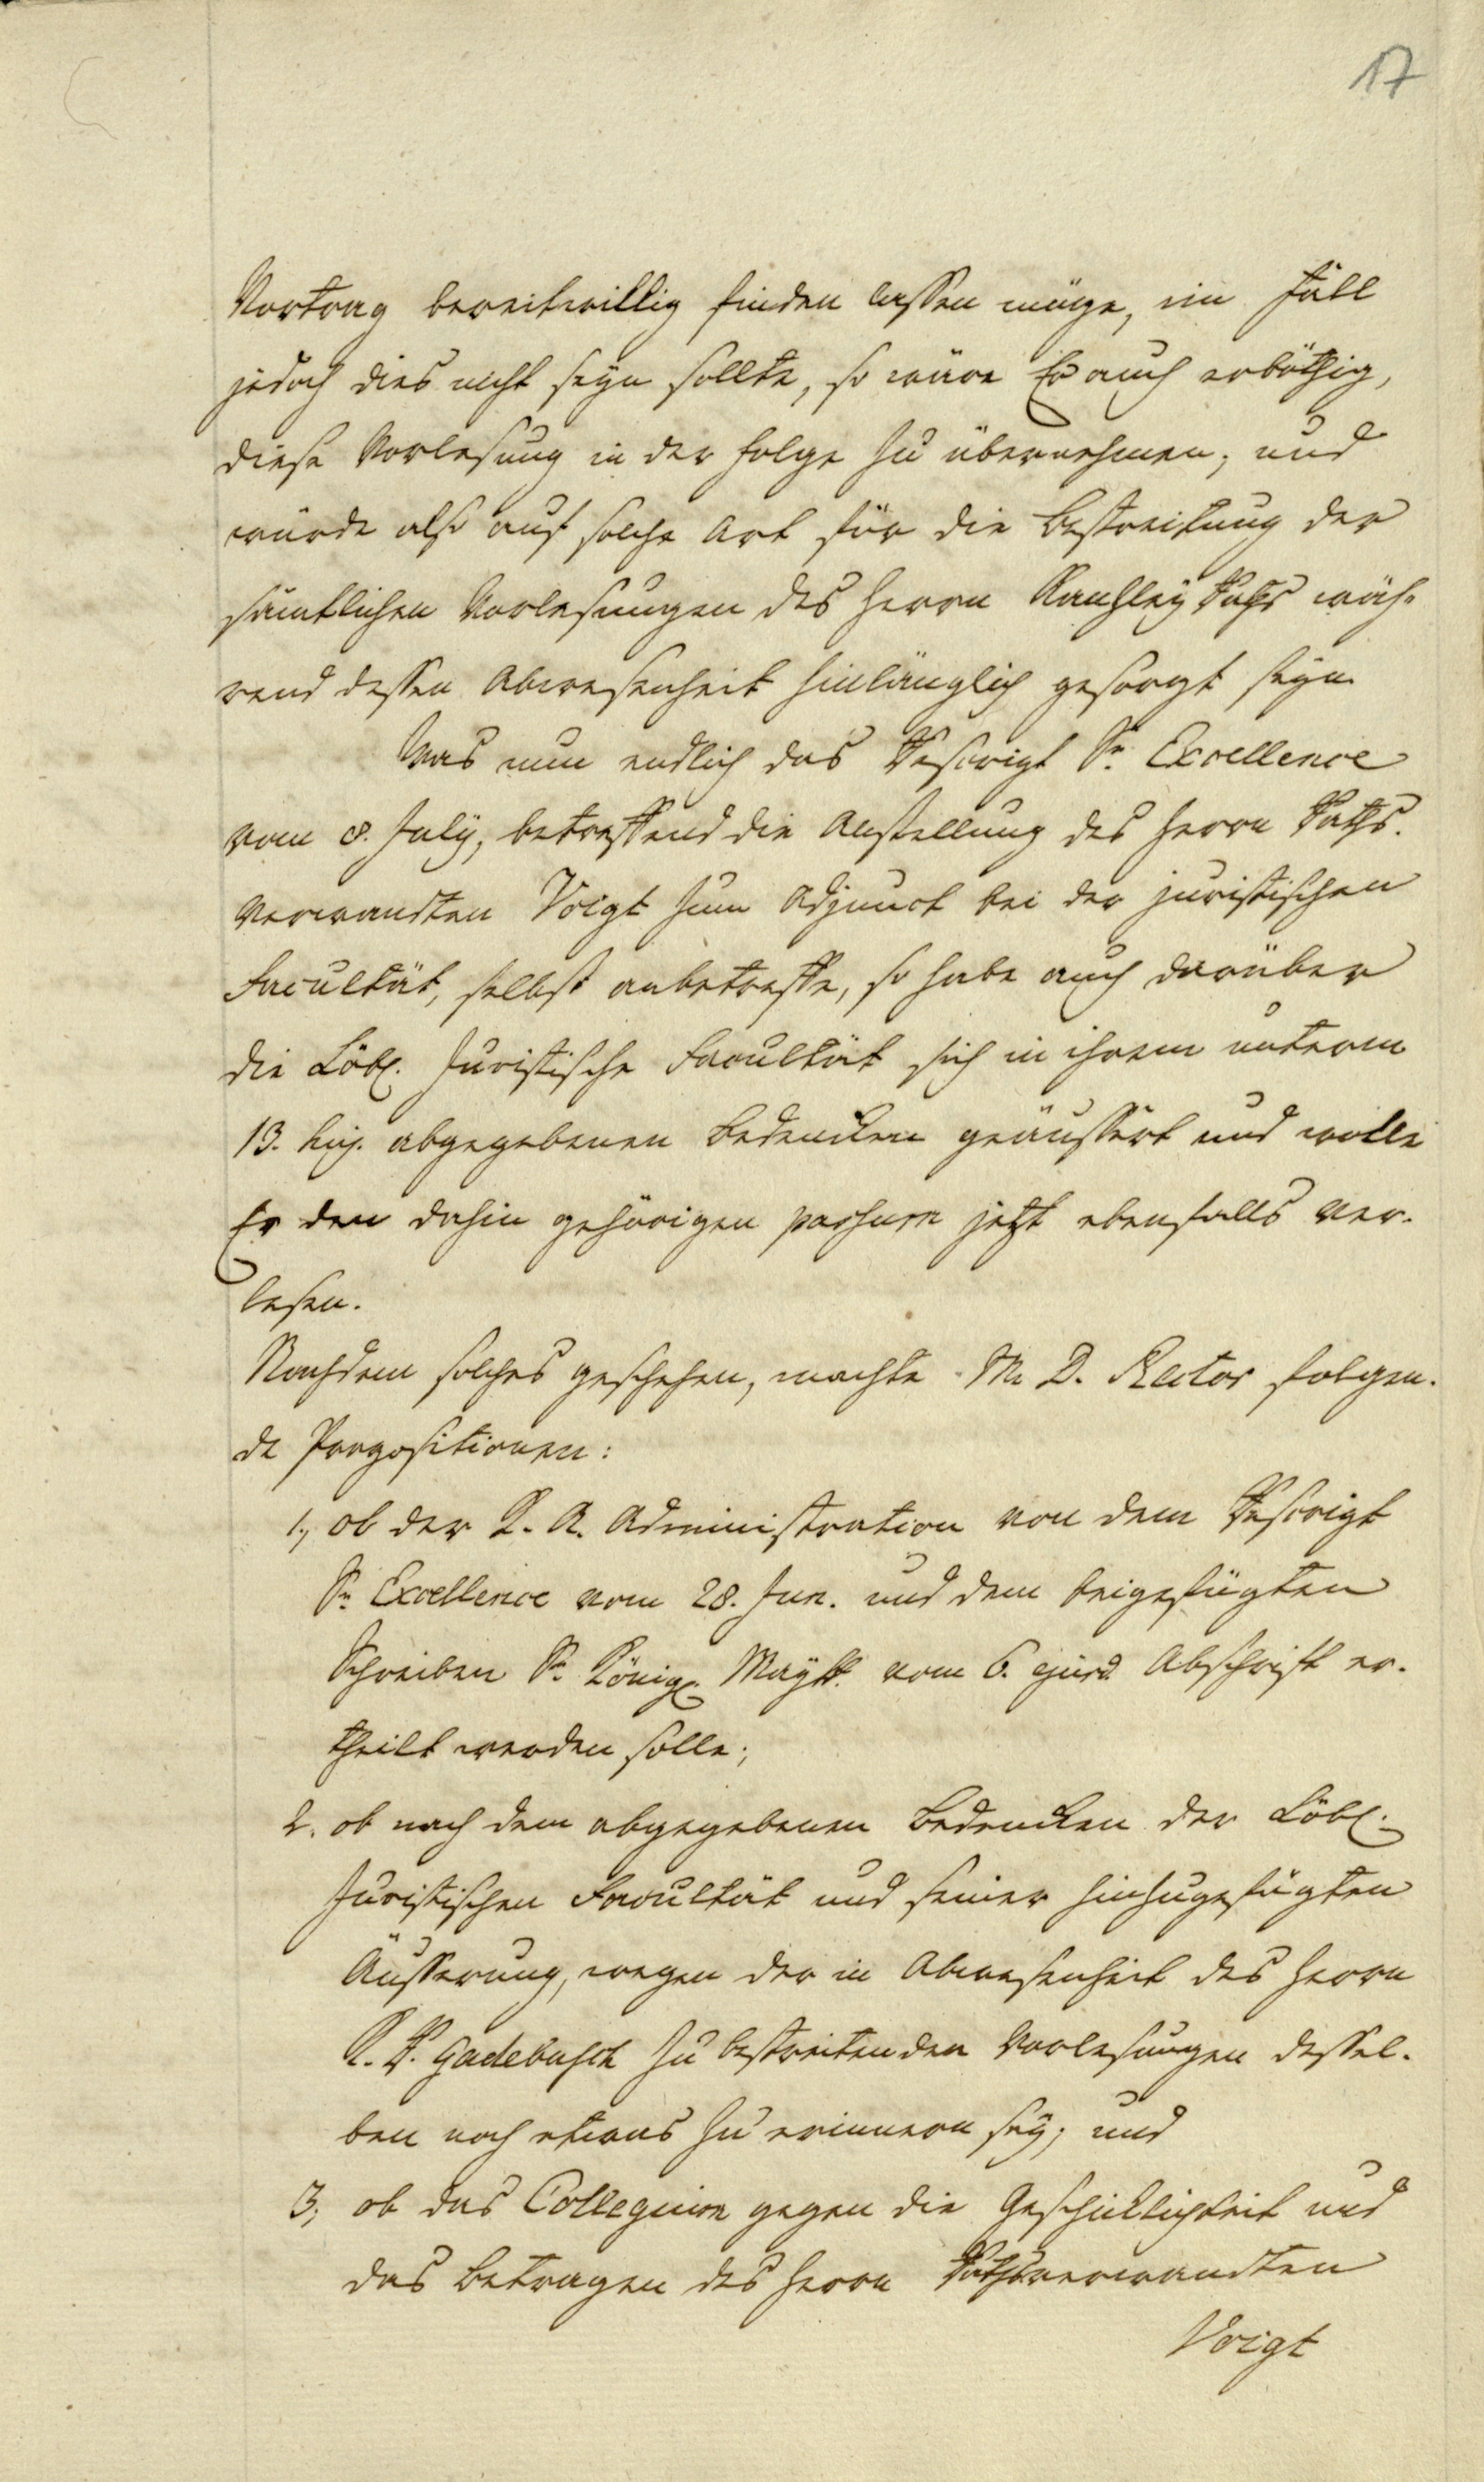Vortrag bereitwillig finden lassen möge, im Fall
jedoch dies nicht sein sollte, so wäre Er auch erböthig,
diese Vorlesung in der Folge zu übernehmen, und
würde also auf solche Art für die Bestreitung der
sämtlichen Vorlesungen des herrn Kanzleÿ Raths wäh¬
rend dessen Abwesenheit hinlänglich gesorgt seÿn.
Was nun endlich das Rescript Sr. Excellence
vom 8. Julÿ, betreffend die Anstellung des herrn Raths¬
verwandten Voigt zum Adjunct bei der juristischen
Facultät, selbst anbetreffe, so habe auch darüber
die Löbl. Juristische Facultät sich in ihrem unterm
13. huj. abgegebenen Bedencken geäussert und wolle
Er den dahin gehörigen passum jetzt ebenfalls ver¬
lesen.
Nachdem solches geschehen, machte M. D. Rector folgen¬
de Propositionen:
1., ob der K. A. Administration von dem Rescript
Sr. Excellence vom 28. Jun. und dem beigefügten
Schreiben Sr. Königl. Maÿtt. vom 6. ejusd. Abschrift er¬
theilt werden solle;
2., ob nach dem abgegebenen Bedencken der Löbl.
Juristischen Facultät und seiner hinzugefügten
Äusserung, wegen der in Abwesenheit des herrn
K. R. Gadebusch zu bestreitenden Vorlesungen dessel¬
ben noch etwas zu erinnern seÿ, und
3., ob das Collegium gegen die Geschicklichkeit und
das Betragen des herrn Rathsverwandten
Voigt